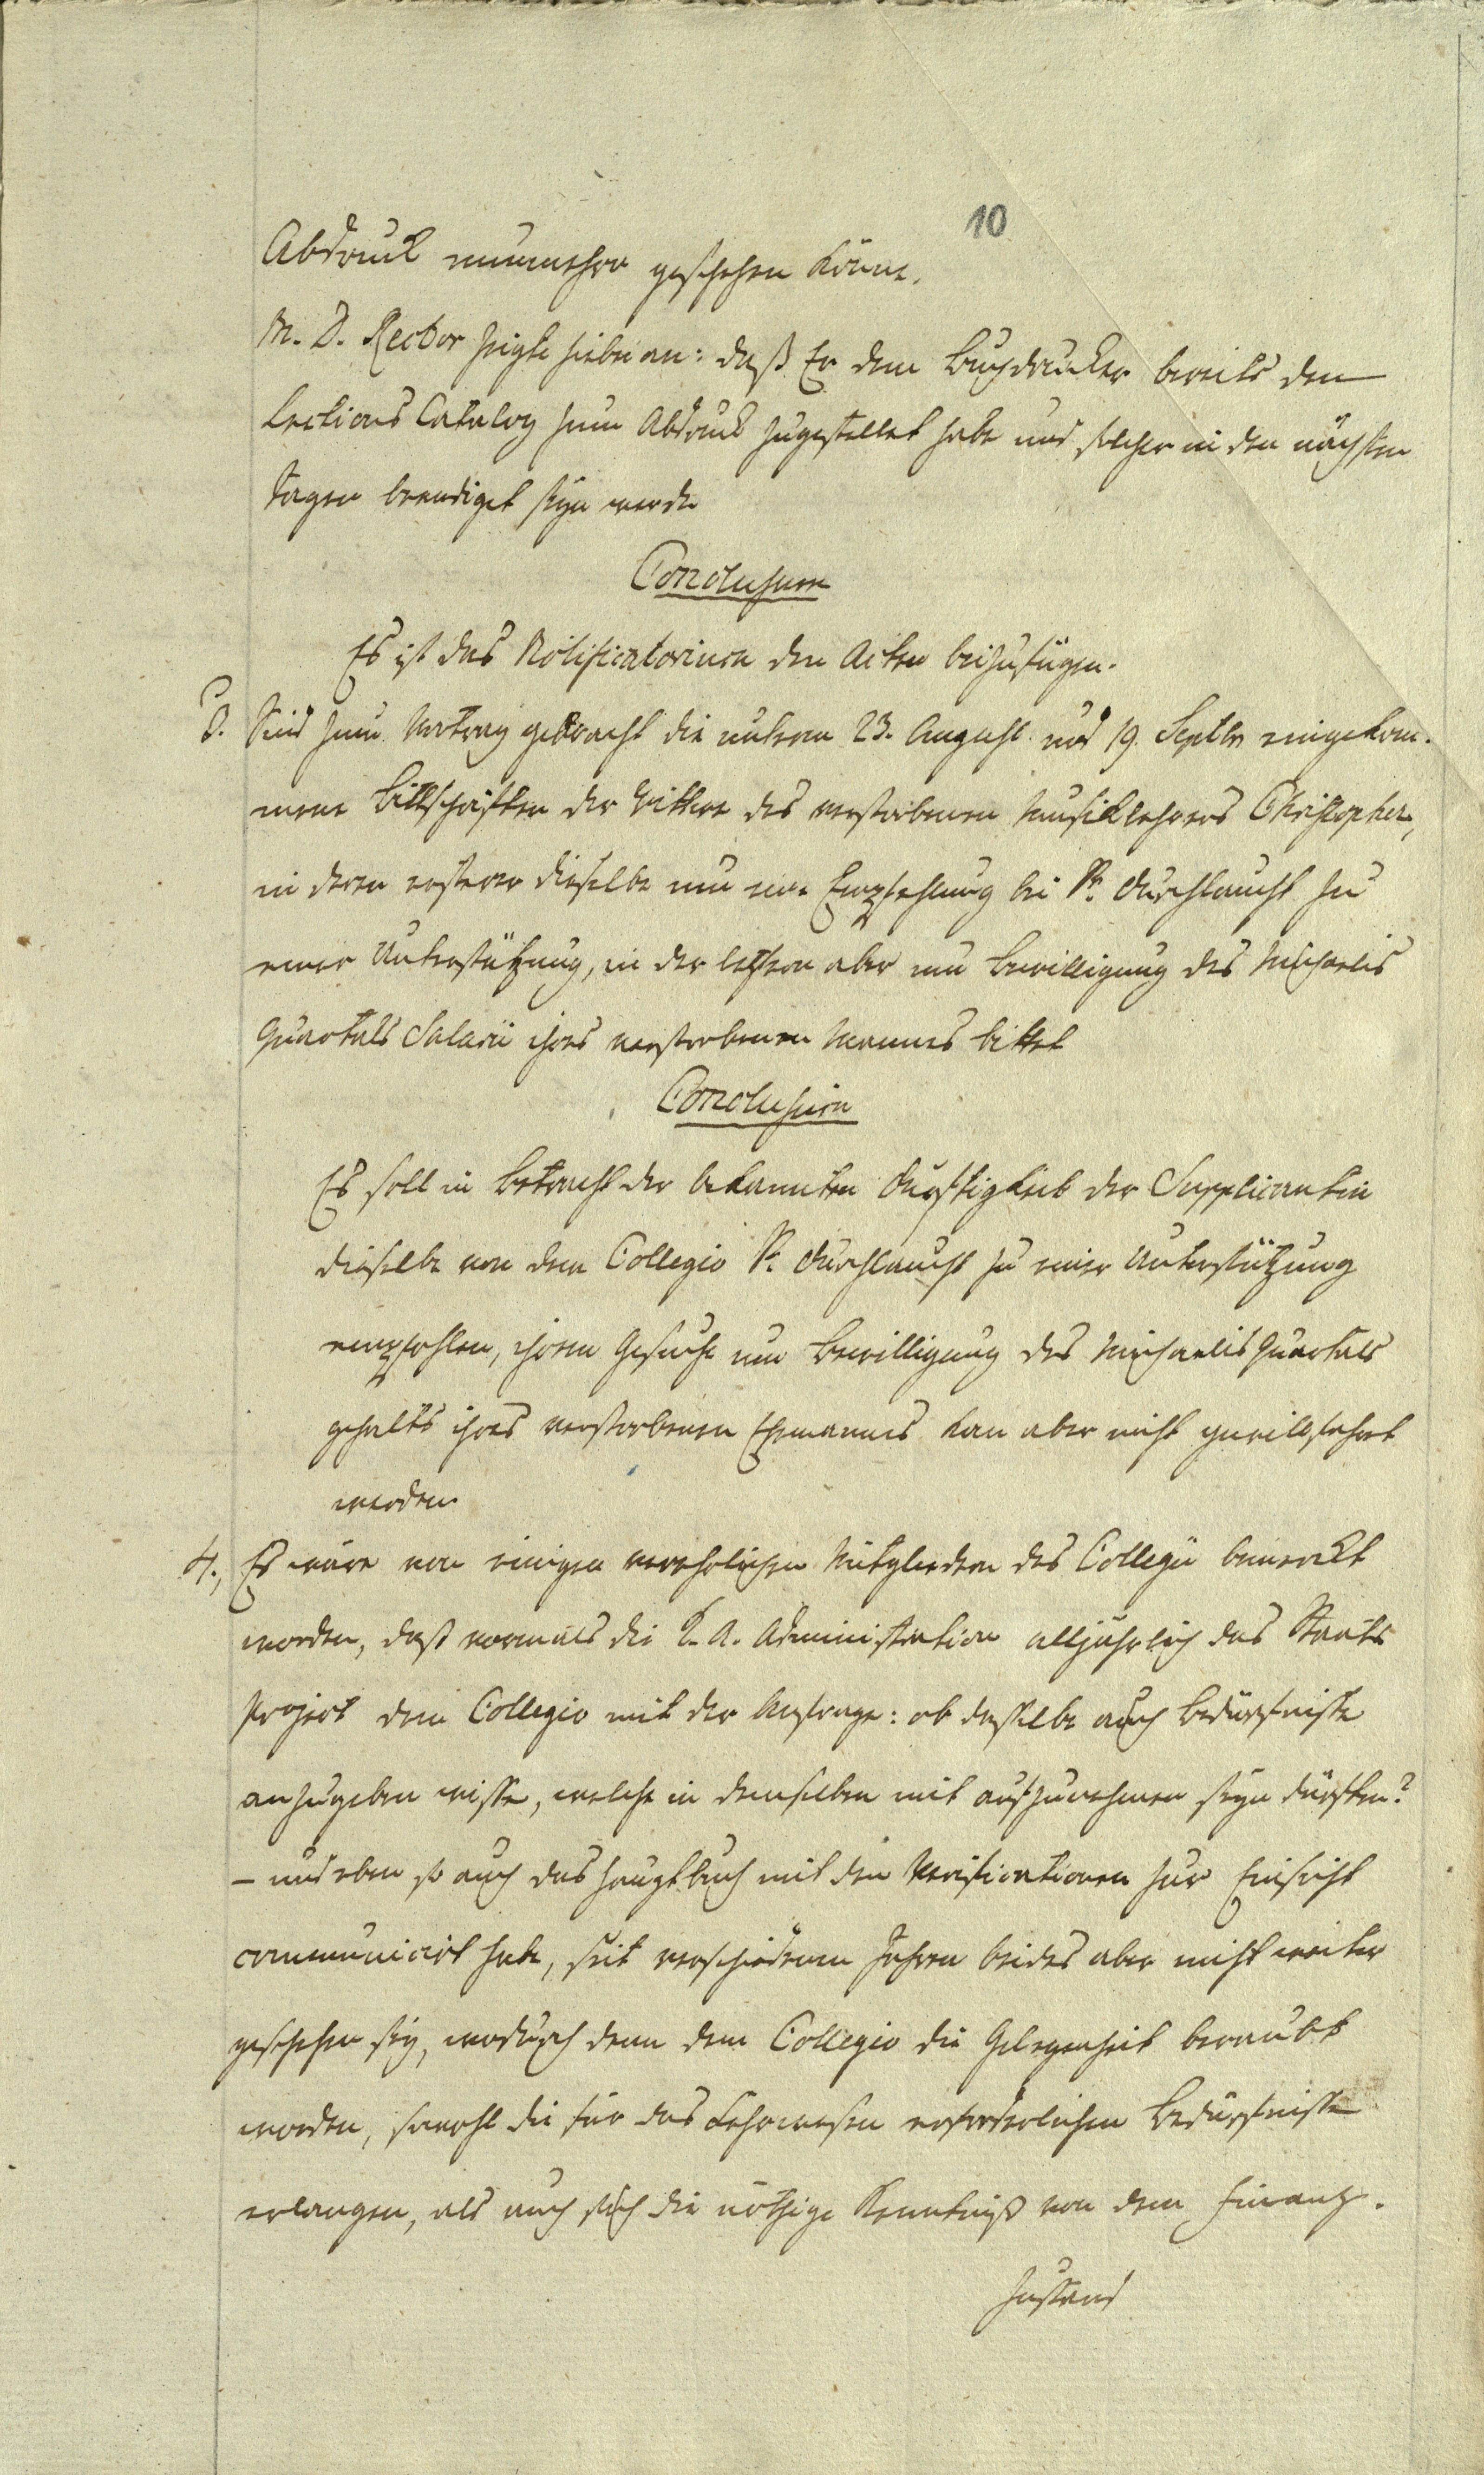Abdruck nunmehro geschehen könne.
M. D. Rector zeigte hiebei an: daß Er dem Buchdrucker bereits den
Lections Catalog zum Abdruck zugestellet habe und solcher in den nächsten
Tagen beendiget seÿn werde.
Conclusum
Es ist das Notificatorium den Acten beizufügen.
3. Sind zum Vortrag gebracht die unterm 23. August und 19. Septbr. eingekom¬
mene Bittschriften der Wittwe des verstorbenen Musiklehrers Christopher,
in deren ersterer dieselbe um eine Empfehlung bei Sr Durchlaucht zu
einer Unterstützung, in der letztern aber umBewilligung des Michaelis
Quartals Salarii ihres verstorbenen Mannes bittet
Conclusum
Es soll in Betracht der bekannten Dürftigkeit der Supplicantin
dieselbe von dem Collegio Sr. Durchlaucht zu einer Unterstützung
empfohlen, ihrem Gesuch um Bewilligung des Michaelis Quartals
gehalts ihres verstorbenen Ehemannes kan aber nicht gewillfahret
werden.
4., Er wäre von einigen verehrlichen Mitgliedern des Collegii bemerkt
worden, daß vormals die K. A. Administration alljährlich das Staats
Project dem Collegio mit der Anfrage: ob dasselbe auch Bedürfnisse
anzugeben wisse, welche in demselben mit aufzunehmen seÿn dürften?
- und eben so auch das Hauptbuch mit den Verificationen zur Einsicht
communicirt habe, seit verschiedenen Jahren beides aber nicht weiter
geschehen seÿ, wodurch denn dem Collegio die Gelegenheit beraubt
worden, sowohl die für das Lehrwesen erforderlichen Bedürfnisse
erlangen, als auch sich die nöthige Kenntniß von dem Finanz¬
zustand